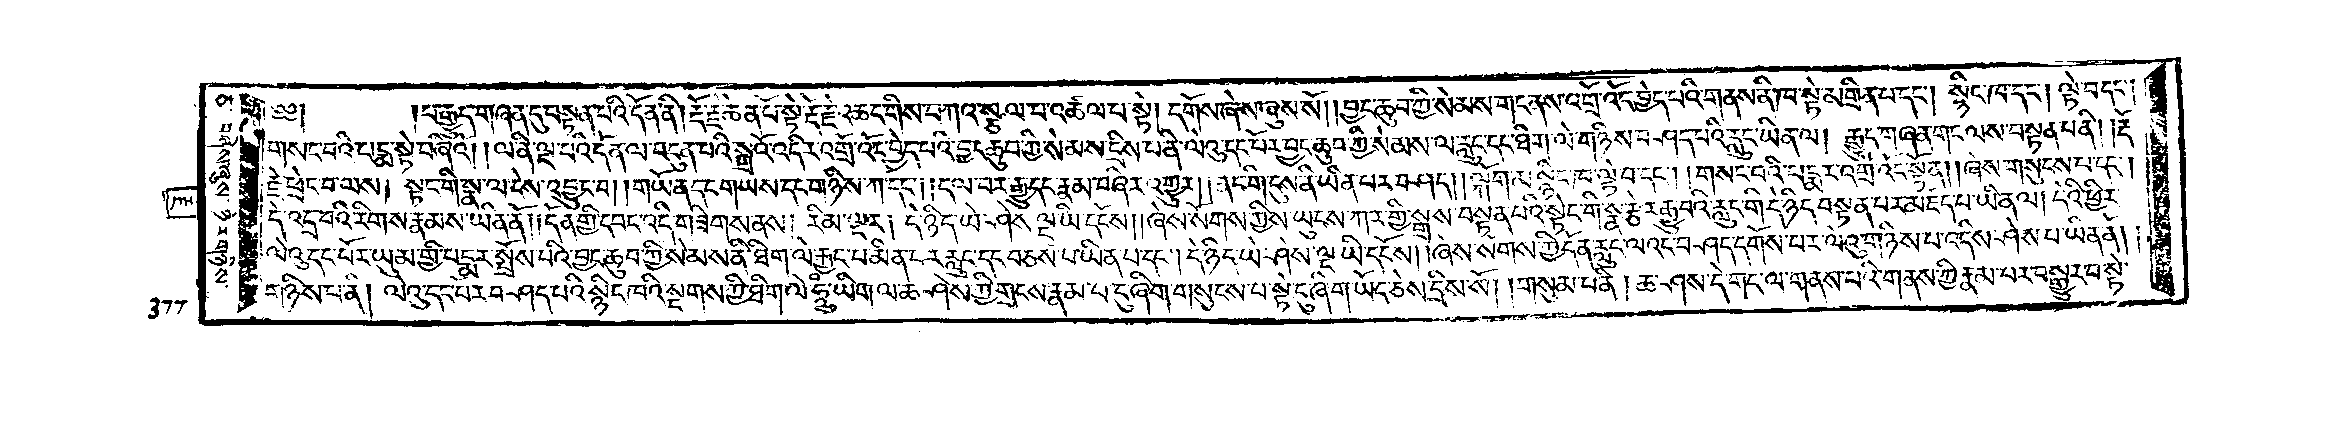༄༅། །པ་རྒྱུད་གཞན་དུ་བསྟན་པའི་དོན་ནི། རྡོ་རྗེ་ཆེན་པོ་སྟེ་རྡོ་རྗེ་འཆང་གིས་བཀའ་སྩལ་པ་འཚལ་པ་སྟེ། དགོས་ཞེས་ཞུས་སོ། །བྱང་ཆུབ་ཀྱི་སེམས་གང་ནས་འགྲོ་འོང་བྱེད་པའི་གནས་ནི་ཁ་སྟེ་མགྲིན་པ་དང་། སྙིང་ཁ་དང་། ལྟེ་བ་དང་།
གསང་བའི་པདམ་སྟེ་བཞིའོ། །ལ་ནི་ལྔ་པའི་དོན་ལ་བདུན་པའི་སྒྲའོ་འདིར་འགྲོ་འོང་བྱེད་པའི་བྱང་ཆུབ་ཀྱི་སེམས་དྲིས་པ་ནི་ལེའུ་དང་པོར་བྱང་ཆུབ་ཀྱི་སེམས་ལ་རླུང་དང་ཐིག་ལེ་གཉིས་བཤད་པའི་རླུང་ཡིན་ལ། རྒྱུད་གཞན་གང་ལས་བསྟན་པ་ནི། །རྡོ་
རྗེ་ཕྲེང་བ་ལས། སྟེང་གི་སྣ་ལ་ངེས་འབྱུང་བ། །གཡོན་དང་གཡས་དང་གཉིས་ཀ་དང་། །དལ་བར་རྒྱུ་དང་རྣམ་བཞིར་འགྱུར། །ནང་གི་དུས་ནི་ཡིན་པར་བཤད། །ལྐོག་མ་སྙིང་ཁ་ལྟེ་བ་དང་། །གསང་བའི་པདམར་འགྲོ་འོང་སྟོན། །ཞེས་གསུངས་པ་དང་།
དེ་འདྲ་བའི་རིགས་རྣམས་ཡིན་ནོ། །དོན་གྱི་དབང་འདི་གཟིགས་ནས། རིམ་ལྔར། དེ་ཉིད་ཡེ་ཤེས་ལྔ་ཡི་དངོས། །ཞེས་སོགས་ཀྱིས་ཡུངས་ཀར་གྱི་སྒྲས་བསྟན་པའི་སྟེང་གི་སྣ་རྩེར་རྒྱུ་བའི་རླུང་གི་དེ་ཉིད་བསྟན་པར་མཛད་པ་ཡིན་ལ། དེའི་ཕྱིར་
ལེའུ་དང་པོར་ཡུམ་གྱི་པདམར་སྤྲོས་པའི་བྱང་ཆུབ་ཀྱི་སེམས་ནི་ཐིག་ལེ་རྐྱང་པ་མིན་པར་རླུང་དང་བཅས་པ་ཡིན་པ་དང་། དེ་ཉིད་ཡེ་ཤེས་ལྔ་ཡི་དངོས། །ཞེས་སོགས་ཀྱི་དོན་རླུང་ལའང་བཤད་དགོས་པར་ལེའུ་གཉིས་པ་འདིས་ཤེས་པ་ཡིན་ནོ། །
གཉིས་པ་ནི། ལེའུ་དང་པོར་བཤད་པའི་སྙིང་ཁའི་སྔགས་ཀྱི་ཐིག་ལེ་ཧཱུཾ་ཡིག་ལ་ཆ་ཤས་ཀྱི་གྲངས་རྣམ་པ་དུ་ཞིག་གསུངས་པ་སྟེ་དུ་ཞིག་ཡོད་ཅེས་དྲིས་སོ། །གསུམ་པ་ནི། ཆ་ཤས་དེ་གང་ལ་གནས་པའི་གནས་ཀྱི་རྣམ་པར་བསྒྱུར་བ་སྟེ་